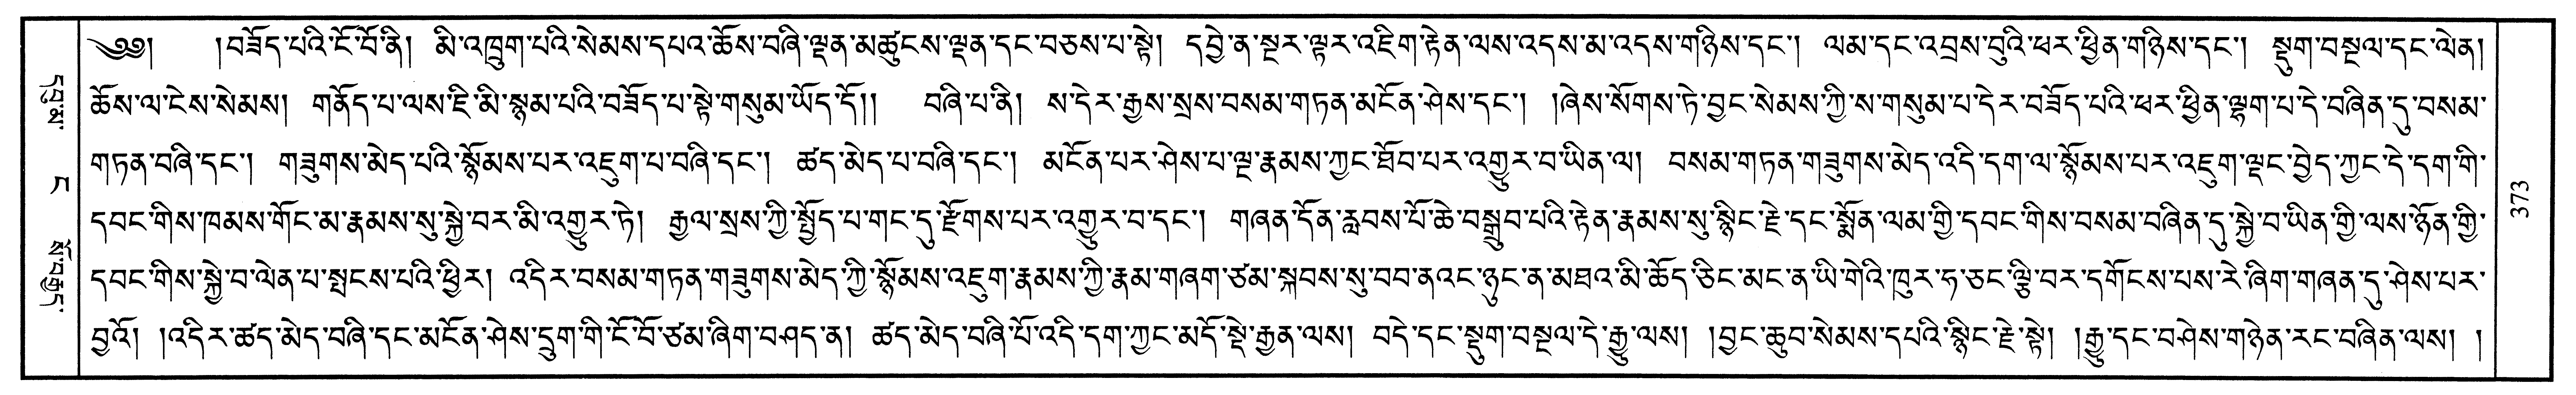༄༅། །བཟོད་པའི་ངོ་བོ་ནི། མི་འཁྲུག་པའི་སེམས་དཔའ་ཆོས་བཞི་ལྡན་མཚུངས་ལྡན་དང་བཅས་པ་སྟེ། དབྱེ་ན་སྔར་ལྟར་འཇིག་རྟེན་ལས་འདས་མ་འདས་གཉིས་དང་། ལམ་དང་འབྲས་བུའི་ཕར་ཕྱིན་གཉིས་དང་། སྡུག་བསྔལ་དང་ལེན།
ཆོས་ལ་ངེས་སེམས། གནོད་པ་ལས་ཇི་མི་སྙམ་པའི་བཟོད་པ་སྟེ་གསུམ་ཡོད་དོ།། བཞི་པ་ནི། ས་དེར་རྒྱས་སྲས་བསམ་གཏན་མངོན་ཤེས་དང་། །ཞེས་སོགས་ཏེ་བྱང་སེམས་ཀྱི་ས་གསུམ་པ་དེར་བཟོད་པའི་ཕར་ཕྱིན་ལྷག་པ་དེ་བཞིན་དུ་བསམ་
གཏན་བཞི་དང་། གཟུགས་མེད་པའི་སྙོམས་པར་འཇུག་པ་བཞི་དང་། ཚད་མེད་པ་བཞི་དང་། མངོན་པར་ཤེས་པ་ལྔ་རྣམས་ཀྱང་ཐོབ་པར་འགྱུར་བ་ཡིན་ལ། བསམ་གཏན་གཟུགས་མེད་འདི་དག་ལ་སྙོམས་པར་འཇུག་ལྡང་བྱེད་ཀྱང་དེ་དག་གི་
དབང་གིས་ཁམས་གོང་མ་རྣམས་སུ་སྐྱེ་བར་མི་འགྱུར་ཏེ། རྒྱལ་སྲས་ཀྱི་སྤྱོད་པ་གང་དུ་རྫོགས་པར་འགྱུར་བ་དང་། གཞན་དོན་རླབས་པོ་ཆེ་བསྒྲུབ་པའི་རྟེན་རྣམས་སུ་སྙིང་རྗེ་དང་སྨོན་ལམ་གྱི་དབང་གིས་བསམ་བཞིན་དུ་སྐྱེ་བ་ཡིན་གྱི་ལས་ཉོན་གྱི་
དབང་གིས་སྐྱེ་བ་ལེན་པ་སྤངས་པའི་ཕྱིར། འདིར་བསམ་གཏན་གཟུགས་མེད་ཀྱི་སྙོམས་འཇུག་རྣམས་ཀྱི་རྣམ་གཞག་ཙམ་སྐབས་སུ་བབ་ནའང་ཉུང་མ་མཐའ་མི་ཆོད་ཅིང་མང་ན་ཡི་གེའི་ཁུར་ཧ་ཅང་ལྕི་བར་དགོངས་པས་རེ་ཞིག་གཞན་དུ་ཤེས་པར་
བྱའོ། །འདིར་ཚད་མེད་བཞི་དང་མངོན་ཤེས་དྲུག་གི་ངོ་བོ་ཙམ་ཞིག་བཤད་ན། ཚད་མེད་བཞི་པོ་འདི་དག་ཀྱང་མདོ་སྡེ་རྒྱན་ལས། བདེ་དང་སྡུག་བསྔལ་དེ་རྒྱུ་ལས། །བྱང་ཆུབ་སེམས་དཔའི་སྙིང་རྗེ་སྟེ། །རྒྱུ་དང་བཤེས་གཉེན་རང་བཞིན་ལས། །